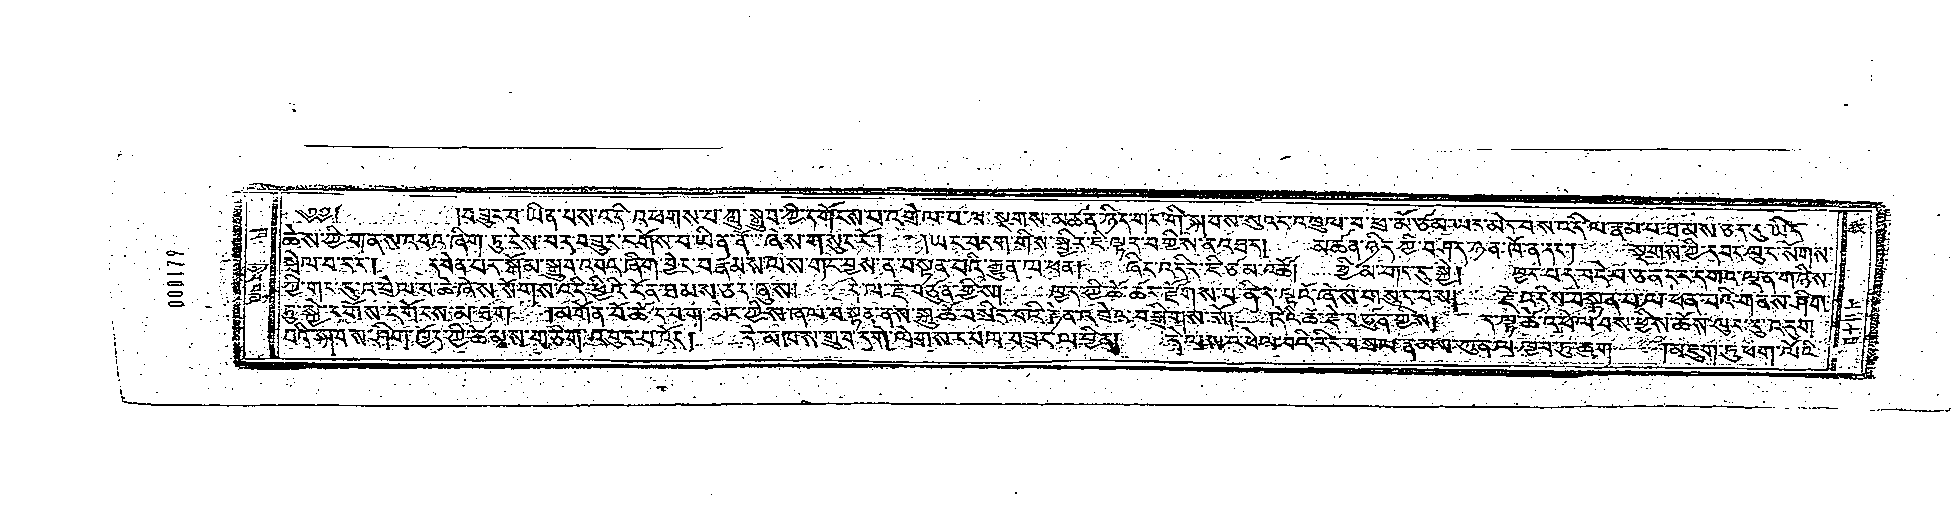༄༅། །བཟུང་བ་ཡིན་པས་འདི་འཕགས་པ་ཀླུ་སྒྲུབ་ཀྱི་དགོངས་པ་འགྲེལ་པ་ལ་སྔགས་མཚན་ཉིད་གང་གི་སྐབས་སུའང་འཁྲུལ་པ་ཕྲ་མོ་ཙམ་ཡང་མེད་པས་འདི་ལ་རྣམ་པ་ཐམས་ཅད་དུ་ཡིད་
ཆེས་ཀྱི་གནས་འབའ་ཞིག་ཏུ་ངེས་པར་བཟུང་དགོས་པ་ཡིན་ནོ་ཞེས་གསུང་ངོ། །ཡང་བདག་གིས་སྦྱིར་ཇི་ལྟར་བགྱིས་ན་འཐད། མཚན་ཉིད་ཀྱི་བཤད་ཉན་ཁོ་ན་དང་། སྔགས་ཀྱི་དབང་ལུང་སོགས་
སྤེལ་བ་དང་། དབེན་པར་སྒོམ་སྒྲུབ་འབའ་ཞིག་བྱེད་པ་རྣམས་ལས་གང་བྱས་ན་བསྟན་བའི་རྒྱུན་ལ་ཕན། ཞིང་འདིར་ཇི་ཙམ་འཚོ། ཕྱི་མ་གང་དུ་སྐྱེ། ཁྱད་པར་བདེ་བ་ཅན་དང་དགའ་ལྡན་གཉིས་
ཀྱི་གང་དུ་འབྲེལ་བ་ཆེ་ཞེས་སོགས་འདི་ཕྱིའི་དོན་ཐམས་ཅད་ཞུས། དེ་ལ་རྗེ་བཙུན་གྱིས། ཁྱོད་ཀྱི་ཚེ་ཚད་རྫོགས་པ་ནི་ད་ལྟའོ་ཞེས་གསུང་བས། རྗེ་འདིས་བསྟན་པ་ལ་ཕན་པའི་གནས་ཤིག་
ཏུ་སྐྱེ་དགོས་དགོངས་མ་ཐག །མགོན་པོ་ཚེ་དཔག་མེད་ཀྱིས་ཞལ་བསྟན་ནས་སྐུ་ཚེ་བསྲིད་བའི་རྟེན་འབྲེལ་བསྒྲིགས་སོ། །དེའི་ཚེ་རྗེ་བཙུན་གྱིས། ད་ལྟ་ཚེ་འཕེལ་བས་ཕྱིས་ཚེས་ལུང་དུ་འདུག་
བའི་སྐབས་ཤིག་ཁྱོད་ཀྱི་ཚེམས་གཅིག་འབུང་པ་འོད། དེ་མཁས་གྲུབ་དགེ་ལེགས་དཔལ་བཟང་ལ་བྱིན། དེ་ལས་འཕེལ་བའི་རིང་བསྲལ་རྣམས་ཀུན་ལ་ཁྱབ་ཏུ་ཆུག །མཇུག་ཏུ་ཕག་ལོའི་